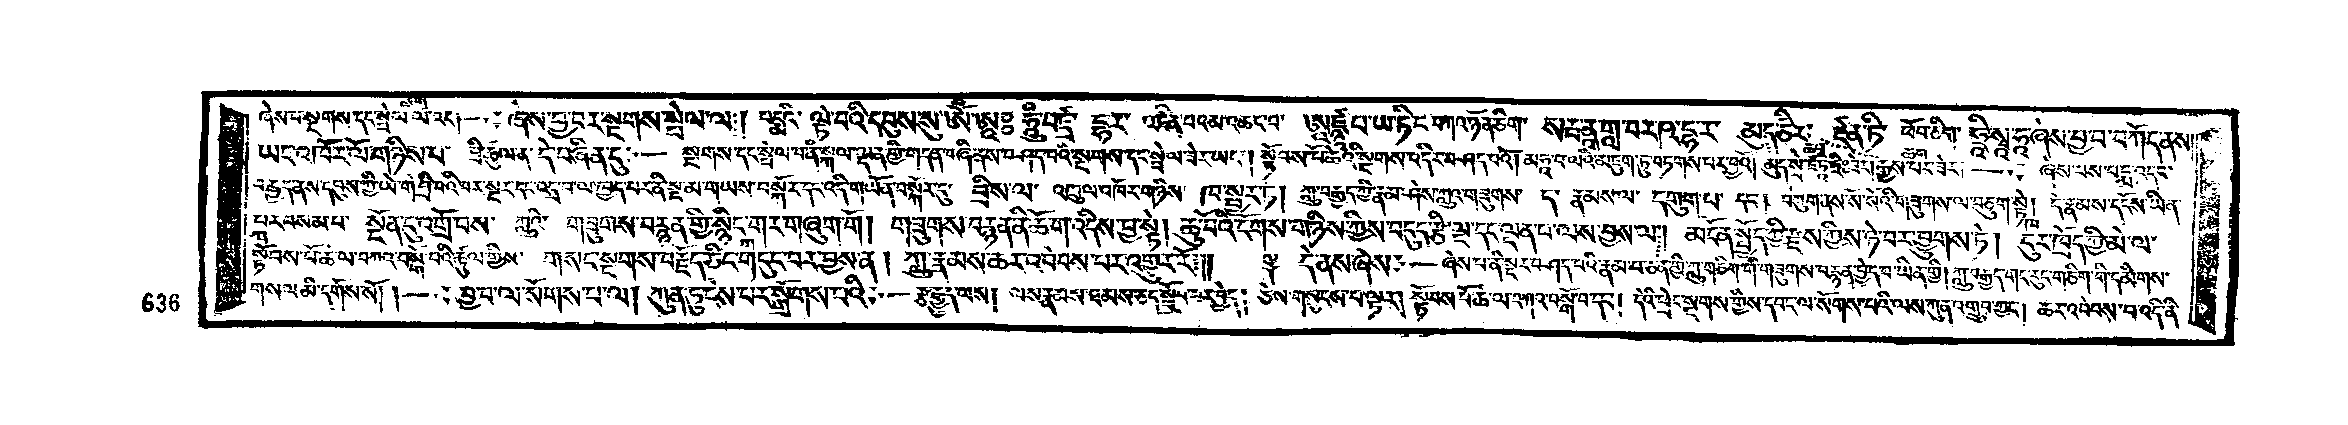ཞེས་པ་སྔགས་དང་སྤེལ་ཆག་ལ་བར། .Hཞེས་བྱ་བར་སྔགས་སྤེལ་ལ། པདམའི་ལྟེ་བའི་དབུས་སུ་ཨོཾ་ཨཱཿ ཧཱུཾ་བཛྲ་བྷར་འཛིན་པའམ་འཆང་བ་ཨཱ་ཛྙཱ་པ་ཡ་ཏི་བཀའ་ཉོན་ཅིག་སརྦ་ནཱ་གཱ་བར་ཥ་དྷ་ར་མུད་ཙིར་འཛིན་ཏི་ཕོབ་ཅིག་ཧྲཱི་སྭཱ་ཧཱ་ཞེས་བྱ་བ་བཀོད་ནས།
ཡང་འཁོར་ལོ་གཉིས་པ་བྲི་ཚུལ་ན་ད་བཞིན་དུཿ་སྔགས་དང་སྤེལ་བ་ནི་སྐལ་ལྡན་གྱི་གདན་བཞི་ནས་བཤད་པའི་སྔགས་དང་སྤེལ་ཟེར་ཡང་། སྟོབས་པོ་ཆེའི་སྔགས་འདིར་བཤད་པའི། མཧཱ་བ་ལའི་མཇུག་ཏུ་བཏགས་པར་བྱའོ། མུད་སྲི་ཚག་ཛ་ཏཱི་ཧྲིཿ ཟེར། རྒྱས་ཆག་པར་ཟེར།.H ཞེས་པས་པདམ་འདབ་
བརྒྱད་ནས་དབུས་ཀྱི་ཡི་གེ་བྲི་བའི་བར་སླར་དང་འདྲ་བ་ལ་ཁྱད་པར་ནི་སྔ་མ་གཡས་བསྐོར་དང་འདི་གཡོན་བསྐོར་དུ་བྲིས་ལ་འཁྲུལ་འཁོར་གཉིས་ཁ་སྦྱར་ཏེ། ཀླུ་བརྒྱད་ཀྱི་རྣམ་ཤེས་ཀླུའི་གཟུགས་དེ་རྣམས་ལ་དགུག་པ་དང་། བཀུག་ནས་སོ་སོའི་གཟུགས་ལ་བཅུག་སྟེ། དེ་རྣམས་དངོས་ཡིན་
པར་བསམ་པ་སྔོན་དུ་འགྲོ་བས་ཀླུའི་གཟུགས་བརྙན་གྱི་སྙིང་གར་གཞུག་གོ། གཟུགས་བརྙན་ནི་ཆོ་ག་འདིས་བྱ་སྟེ། ཆུ་བོའི་ངོགས་གཉིས་ཀྱིས་བདུད་རྩི་ལྔ་དང་ལྡན་པ་ལས་བྱས་ལ། མངོན་སྤྱོད་ཀྱི་རྫས་ཀྱིས་ཉེ་བར་བྱུགས་ཏེ། ཁ་དུར་ཁྲོད་ཀྱི་མེ་ལ་
ཀ་སྟོབས་པོ་ཆེ་ལ་བཀའ་བསྒོ་བའི་ཚུལ་གྱིས་གསང་སྔགས་བརྗོད་ཅིང་ཀ་གདུང་པར་བྱས་ན། ཀླུ་རྣམས་ཆར་འབེབས་པར་འགྱུར་རོ།། ༈ དེ་ནས་ཞེསཿ་ཞེས་པ་ནི་སྔར་བཤད་པའི་རྣམ་པ་ཅན་གྱི་ཀླུ་གཅིག་གི་གཟུགས་བརྙན་བྱེད་པ་ཡིན་གྱི། ཀླུ་བརྒྱད་གང་རུང་གཅིག་གི་དམིགས་
གསལ་མི་དགོས་སོ། .H བྱ་བ་ལ་སོགས་པ་ལ། ཀུན་ཏུ་ངེས་པར་སྒྲོགས་པའིཿ་རྩ་རྒྱུད་ལས། ལས་རྣམས་ཐམས་ཅད་སྒྲུབ་པར་བྱེད། ཅེས་གསུངས་པ་ལྟར། སྟོབས་པོ་ཆེ་ལ་བཀའ་བསྒོ་བ་དང་། དེའི་ཕྲེང་སྔགས་གྱིས་དབང་ལ་སོགས་པའི་ལས་ཀུན་འགྲུབ་ཀྱང་། ཆར་འབེབས་པ་འདི་ནི་